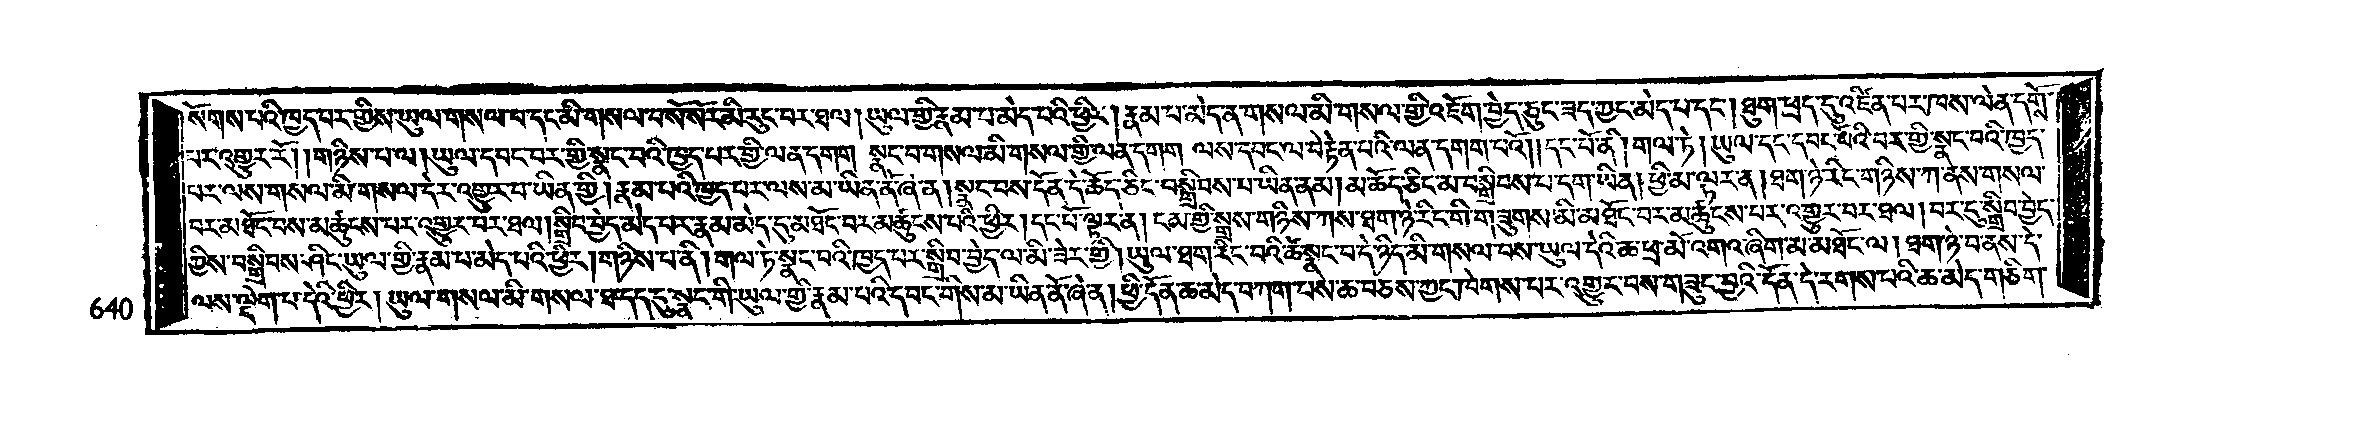སོགས་པའི་ཁྱད་པར་གྱིས་ཡུལ་གསལ་བ་དང་མི་གསལ་བ་སོ་སོར་མི་རུང་བར་ཐལ། ཡུལ་གྱི་རྣམ་པ་མེད་པའི་ཕྱིར། རྣམ་པ་མེད་ན་གསལ་མི་གསལ་གྱི་འཇོག་བྱེད་ཅུང་ཟད་ཀྱང་མེད་པ་དང་། ཐུག་ཕྲད་དུ་འཛིན་པར་ཁས་ལེན་དགོས་
པར་འགྱུར་རོ། །གཉིས་པ་ལ། ཡུལ་དབང་བར་གྱི་སྣང་བའི་ཁྱད་པར་གྱི་ལན་དགག་སྣང་བ་གསལ་མི་གསལ་གྱི་ལན་དགག་ལས་དབང་ལ་བེ་བརྟེན་པའི་ལན་དགག་པའོ། །དང་པོ་ནི། གལ་ཏེ། ཡུལ་དང་དབང་པོའི་བར་གྱི་སྣང་བའི་ཁྱད་
པར་ལས་གསལ་མི་གསལ་དེར་འགྱུར་བ་ཡིན་གྱི། རྣམ་པའི་ཁྱད་པར་ལས་མ་ཡིན་ནོ་ཞེ་ན། སྣང་བས་དོན་དེ་ཆོད་ཅིང་བསྒྲིབས་པ་ཡིན་ནམ། མ་ཆོད་ཅིང་མ་བསྒྲིབས་པ་དག་ཡིན། ཕྱི་མ་ལྟར་ན། ཐག་ཉེ་རིང་གཉིས་ཀ་ནས་གསལ་
བར་མཐོང་བས་མཚུངས་པར་འགྱུར་བར་ཐལ། སྒྲིབ་བྱེད་མེད་པར་རྣམ་མེད་དུ་མཐོང་བར་མཚུངས་པའི་ཕྱིར། དང་པོ་ལྟར་ན། ངམ་གྱི་སྒྲས་གཉིས་ཀས་ཐག་ཉེ་རིང་གི་གཟུགས་མི་མཐོང་བར་མཚུངས་པར་འགྱུར་བར་ཐལ། བར་དུ་སྒྲིབ་བྱེད་
ཀྱིས་བསྒྲིབས་ཤིང་ཡུལ་གྱི་རྣམ་པ་མེད་པའི་ཕྱིར། གཉིས་པ་ནི། གལ་ཏེ་སྣང་བའི་ཁྱད་པར་སྒྲིབ་བྱེད་ལ་མི་ཟེར་གྱི། ཡུལ་ཐག་རིང་བའི་ཚེ་སྣང་བ་དེ་ཉིད་མི་གསལ་བས་ཡུལ་དེའི་ཆ་ཕྲ་མོ་འགའ་ཞིག་མ་མཐོང་ལ། ཐག་ཉེ་བ་ནས་དེ་
ལས་ལྡོག་པ་དེའི་ཕྱིར། ཡུལ་གསལ་མི་གསལ་ཐ་དད་དུ་སྣང་གི་ཡུལ་གྱི་རྣམ་པའི་དབང་གིས་མ་ཡིན་ནོ་ཞེ་ན། ཕྱི་དོན་ཆ་མེད་བཀག་པས་ཆ་བཅས་ཀྱང་ཁེགས་པར་འགྱུར་བས་གཟུང་བྱའི་དོན་དེ་རགས་པའི་ཆ་མེད་གཅིག་